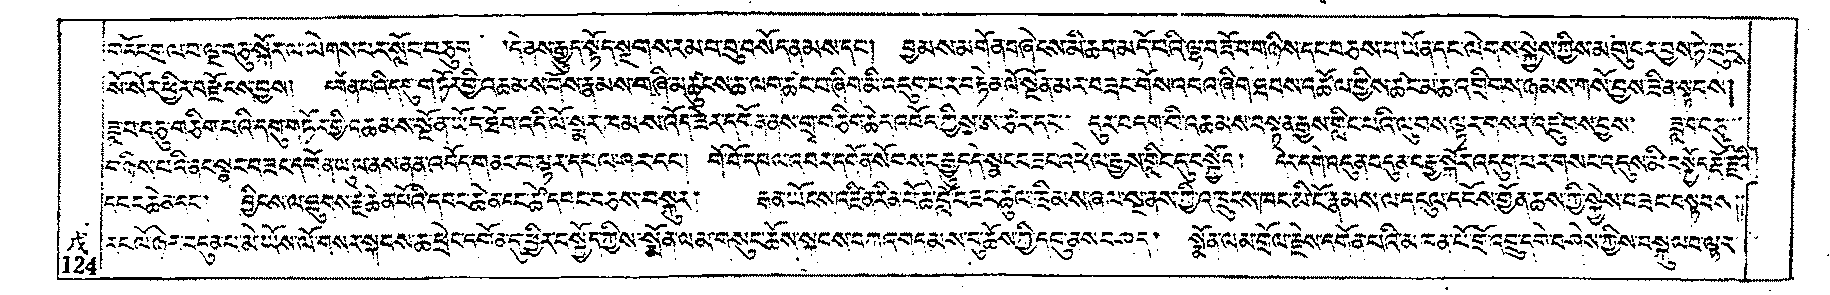གདོང་གྲལ་བ་ལྔ་བཅུ་སྐོར་ལ་ལེགས་པར་སློབ་བཅུག །དེ་ནས་རྒྱུད་སྟོད་སྔགས་རམ་པ་བུ་བསོད་ནམས་དང་། བྱམས་མགོན་བཞེངས་མི་ཆབ་མདོ་བའི་ལྷ་བཟོ་བ་གཉིས་དང་བཅས་པ་ཡོན་དང་ལེགས་སྐྱེས་ཀྱིས་མགུ་བར་བྱས་ཏེ་ཁུངས་
སོ་སོར་ཕྱིར་བརྫོངས་བྱས། དགོན་པའི་དགུ་གཏོར་གྱི་འཆམས་གོས་རྣམས་གཞི་མཚུངས་ཆ་ལག་ཚང་བ་ཞིག་མི་འདུག་པར་བརྟེན་ལོ་སྔོན་མར་བཟང་གོས་འབའ་ཞིག་ཐབས་འཚོ་ལ་གྱིས་ཚང་མ་ཆ་འགྲིགས་ཉམས་གསོ་བྱས་ཟིན་སྟབས།
ཟླ་བ་བཅུ་གཅིག་པའི་དགུ་གཏོར་གྱི་འཆམས་སྔོན་ཡོད་ཐོག་འདི་ལོ་སྨར་ཁམས་འོད་ཟེར་དགོན་ནས་གྲྭ་གཅིག་ཆེད་འབོད་ཀྱིས་ཨ་ཙ་ར་དང་། དུར་བདག་གི་འཆམས་བསྟན་རྒྱས་གླིང་པའི་ལུགས་ལྟར་གསར་འཛུགས་བྱས། ཟླ་བ་བཅུ་
གཉིས་པའི་ནང་སྣང་བཟང་དགོན་ཡུལ་ནས་ནན་འབོད་གནང་བ་ལྟར་དཔལ་ཤར་དང་། གོ་བོ་དཔལ་འབར་དགོན་སོགས་བརྒྱུད་དེ་སྣང་བཟང་འཕེལ་རྒྱས་གླིང་དུ་བསྐྱོད། དེར་དགེ་འདུན་བདུན་བརྒྱ་སྐོར་འདུག་པར་གསང་འདུས་མི་བསྐྱོད་རྡོ་རྗེའི་
དབང་ཆེན་དང་། བྱིངས་ལ་ཐུགས་རྗེ་ཆེན་པོའི་དབང་ཆེན་དང་ཚེ་དབང་བཅས་བསྐུར། རྒན་ཡོངས་འཛིན་རིན་པོ་ཆེ་བློ་བཟང་ཚུལ་ཁྲིམས་ཞལ་སྔ་ནས་ཀྱི་འཁྲུངས་ཁང་མི་ངོ་རྣམས་ལ་དངུལ་དངོས་གྱོན་ཆས་ཀྱི་སྐྱེས་བཟང་བསྟབས།།
རང་ལོ་ཉེར་བདུན་པ་མེ་ཡོས་ལོ་གསར་སྐབས་ཆ་ཕྲེང་དགོན་དུ་ཕྱིར་བསྐྱོད་ཀྱིས་སྨོན་ལམ་གསུང་ཆོས་སྐབས་བཀའ་གདམས་བུ་ཆོས་ཀྱི་དབུ་ནས་བཤད། སྨོན་ལམ་གྲོལ་རྗེས་དགོན་པའི་མཁན་པོ་གྲོ་འབྲུ་དགེ་བཤེས་ཀྱིས་བསྐུལ་བ་ལྟར་